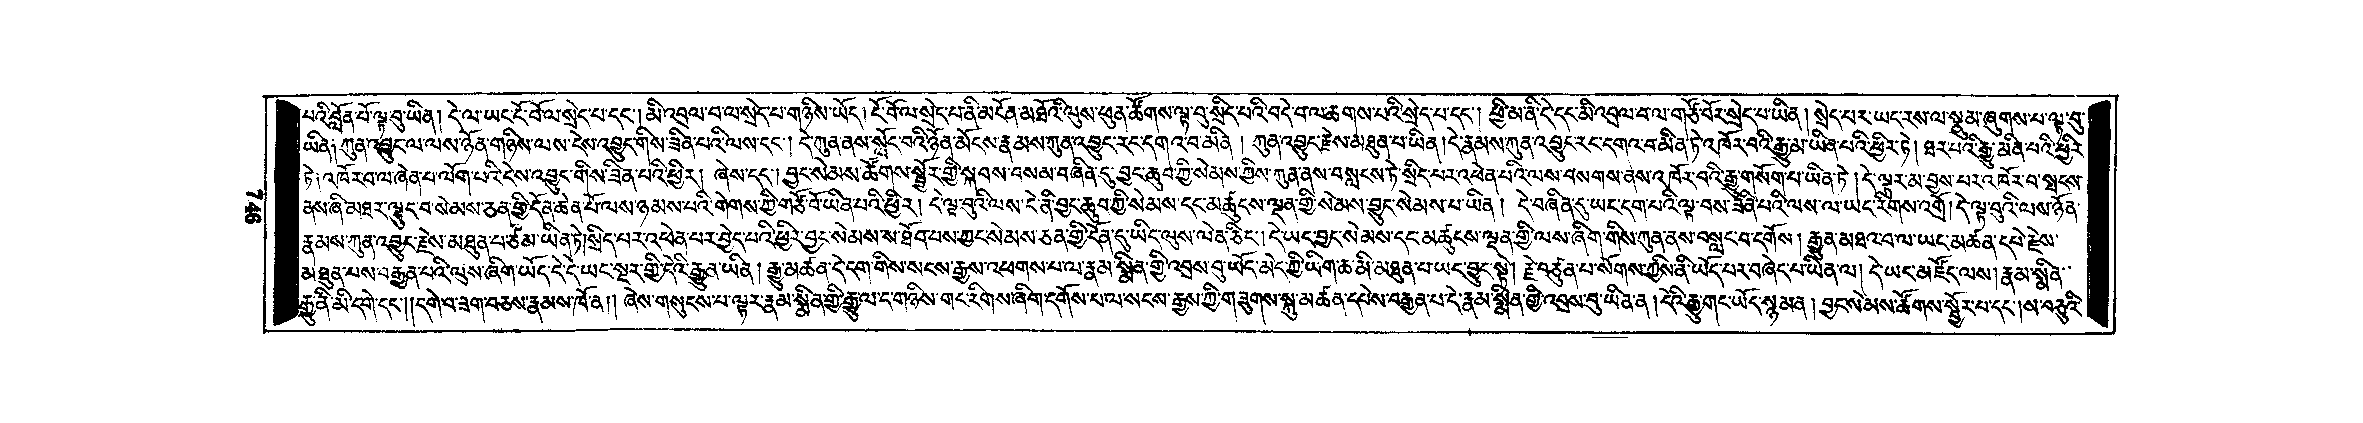པའི་བློན་པོ་ལྟ་བུ་ཡིན། དེ་ལ་ཡང་ངོ་བོ་ལ་སྲེད་པ་དང་། མི་འབྲལ་བ་ལ་སྲེད་པ་གཉིས་ཡོད། ངོ་བོ་ལ་སྲེད་པ་ནི་མངོན་མཐོའི་ལུས་ཕུན་ཚོགས་ལྟ་བུ་སྲིད་པའི་བདེ་བ་ལ་ཆགས་པའི་སྲེད་པ་དང་། ཕྱི་མ་ནི་དེ་དང་མི་འབྲལ་བ་ལ་གཙོ་བོར་སྲེད་པ་ཡིན། སྲེད་པར་ཡང་རས་ལ་སྣུམ་ཞུགས་པ་ལྟ་བུ་
ཡིན། ཀུན་འབྱུང་ལ་ལས་ཉོན་གཉིས་ལས་ངེས་འབྱུང་གིས་ཟིན་པའི་ལས་དང་། དེ་ཀུན་ནས་སློང་བའི་ཉོན་མོངས་རྣམས་ཀུན་འབྱུང་རང་དགའ་བ་མིན། ཀུན་འབྱུང་རྗེས་མཐུན་པ་ཡིན། དེ་རྣམས་ཀུན་འབྱུང་རང་དགའ་བ་མིན་ཏེ་འཁོར་བའི་རྒྱུ་མ་ཡིན་པའི་ཕྱིར་ཏེ། ཐར་པའི་རྒྱུ་མིན་པའི་ཕྱིར་
ཏེ། འཁོར་བ་ལ་ཞེན་པ་ལོག་པའི་ངེས་འབྱུང་གིས་ཟིན་པའི་ཕྱིར། ཞེས་དང་། བྱང་སེམས་ཚོགས་སྦྱོར་གྱི་སྐབས་བསམ་བཞིན་དུ་བྱང་ཆུབ་ཀྱི་སེམས་ཀྱིས་ཀུན་ནས་བསླངས་ཏེ་སྲིད་པར་འཕེན་པའི་ལས་བསགས་ནས་འཁོར་བའི་རྒྱུ་གསོག་པ་ཡིན་ཏེ། དེ་ལྟར་མ་བྱས་པར་འཁོར་བ་སྤངས་
ནས་ཞི་མཐར་ལྷུང་བ་སེམས་ཅན་གྱི་དོན་ཆེན་པོ་ལས་ཉམས་པའི་གེགས་ཀྱི་གཙོ་བོ་ཡིན་པའི་ཕྱིར། དེ་ལྟ་བུའི་ལས་དེ་ནི་བྱང་ཆུབ་ཀྱི་སེམས་དང་མཚུངས་ལྡན་གྱི་སེམས་བྱུང་སེམས་པ་ཡིན། དེ་བཞིན་དུ་ཡང་དག་པའི་ལྟ་བས་ཟིན་པའི་ལས་ལ་ཡང་རིགས་འགྲོ་།དེ་ལྟ་བུའི་ལས་ཉོན་
རྣམས་ཀུན་འབྱུང་རྗེས་མཐུན་པ་ཙམ་ཡིན་ཏེ། སྲིད་པར་འཕེན་པར་བྱེད་པའི་ཕྱིར་བྱང་སེམས་ས་ཐོབ་པས་ཀྱང་སེམས་ཅན་གྱི་དོན་དུ་ཡིད་ལུས་ལེན་ཅིང་། དེ་ཡང་བྱང་སེམས་དང་མཚུངས་ལྡན་གྱི་ལས་ཞིག་གིས་ཀུན་ནས་བསླང་བ་དགོས། རྒྱུན་མཐའ་བ་ལ་ཡང་མཚན་དཔེ་རྗེས་
མཐུན་པས་བརྒྱན་པའི་ལུས་ཞིག་ཡོད་དེ་དེ་ཡང་སྔར་གྱི་དེའི་རྒྱུན་ཡིན། རྒྱུ་མཚན་དེ་དག་གིས་སངས་རྒྱས་འཕགས་པ་ལ་རྣམ་སྨིན་གྱི་འབྲས་བུ་ཡོད་མེད་ཀྱི་ཡིག་ཆ་མི་མཐུན་པ་ཡང་བྱུང་སྟེ། རྗེ་བཙུན་པ་སོགས་ཀྱིས་ནི་ཡོད་པར་བཞེད་པ་ཡིན་ལ། དེ་ཡང་མཛོད་ལས། རྣམ་སྨིན་
རྒྱུ་ནི་དགེ་དང་། །དགེ་བ་ཟག་བཅས་རྣམས་ཁོ་ན། །ཞེས་གསུངས་པ་ལྟར་རྣམ་སྨིན་གྱི་རྒྱུ་ལ་ད་གཉིས་གང་རིགས་ཞིག་དགོས་པ་ལ་སངས་རྒྱས་ཀྱི་གཟུགས་སྐུ་མཚན་དཔེས་བརྒྱན་པ་དེ་རྣམ་སྨིན་གྱི་འབྲས་བུ་ཡིན་ན། དེའི་རྒྱུ་གང་ཡོད་སྙམ་ན། བྱང་སེམས་ཚོགས་སྦྱོར་པ་དང་། ས་བཅུའི་